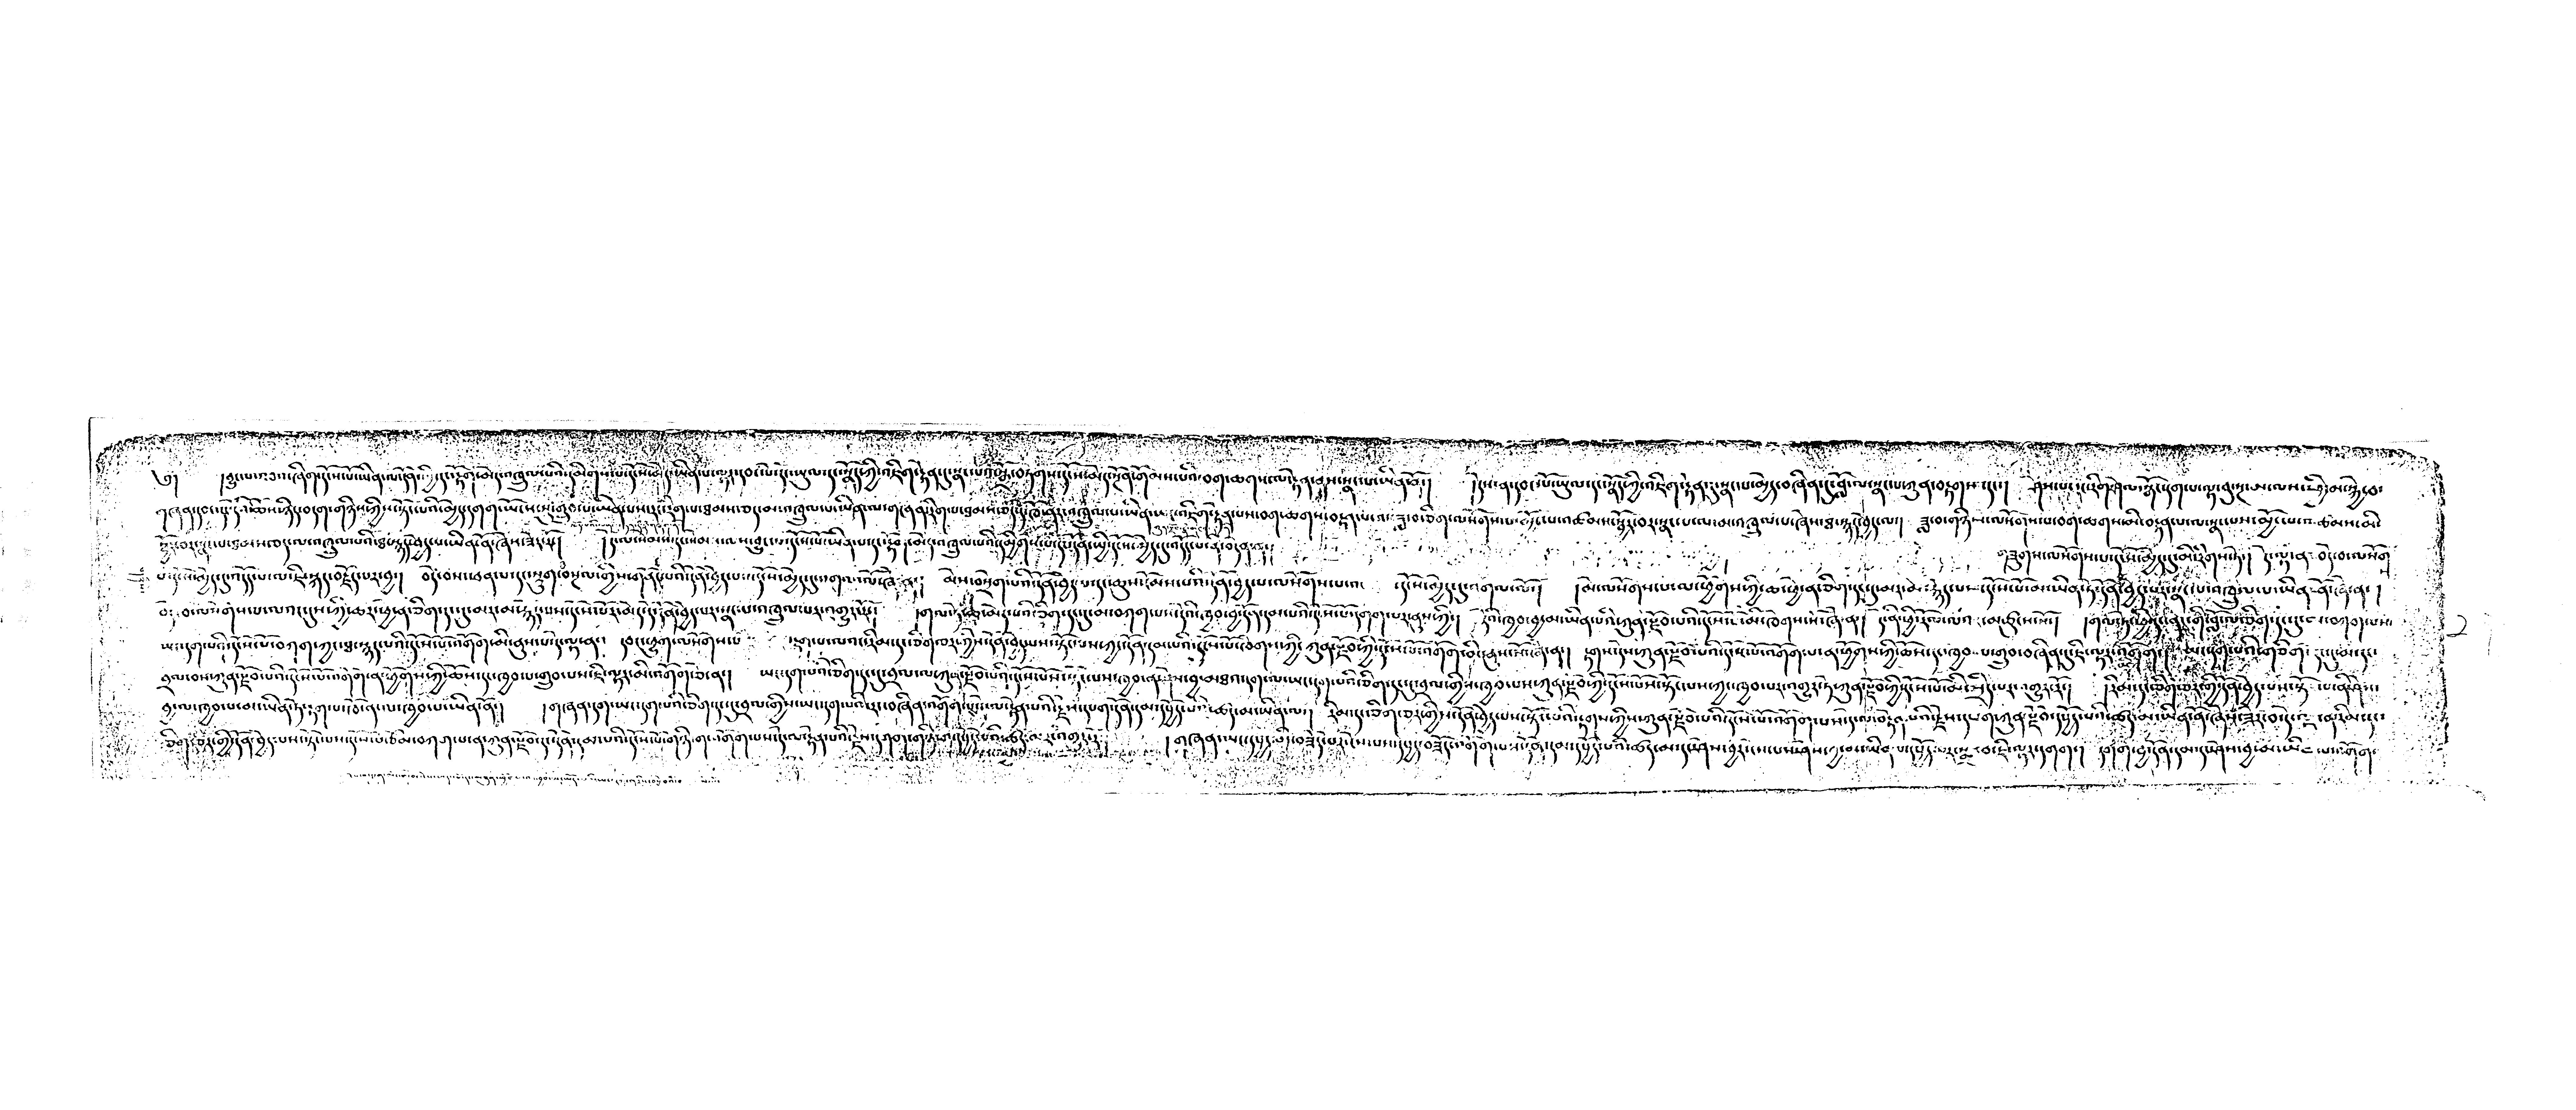༈། །བྱུང་པ་འབའ་ཞིག་དངོས་པོ་ཡིན་ལ་དོན་སྤྱི་དང་རྟོག་མེད་འཁྲུལ་པའི་དམིགས་པ་དངོས་མེད་ཡིན་པ་ལྟར་དབང་པོ་དང་ཡུལ་དང་སྣོད་ཀྱི་འཇིག་རྟེན་དུ་སྣང་པའི་སྒྲོ་བཏགས་དངོས་མེད་སྔོན་གོམས་པའི་བག་ཆགས་ལ་རྟེན་ནས་སྣང་པ་ཡིན་ནོ། །དེས་ན་དབང་པོ་ཡུལ་དང་སྣོད་ཀྱི་འཇིག་རྟེན་དུ་སྣང་པ་མེད་བཞིན་དུ་བློ་ལ་སྣང་པ་ཀུན་བརྟགས་དང་། ཤེས་པ་དང་རིག་ཤེལ་སྒོང་དག་པ་ལྟ་བུ་སྔ་མ་ལས་ཕྱི་མ་སྐྱེ་བ་
གཞན་དབང་དང་དེའི་ཆོས་ཉིད་བདག་གཉིས་ཀྱིས་སྟོང་པའི་མེད་དགག་ཡོངས་སུ་གྲུབ་པ་ཡིན་པས་རང་རིག་པ་ཐམས་ཅད་མ་འཁྲུལ་པ་ཡིན་ལ་གཞན་རིག་པ་ཐམས་ཅད་དེ་ཁོ་ནར་འཁྲུལ་པ་ཡིན་ཡང་འཇིག་རྟེན་པས་བག་ཆགས་བརྟན་པའང་ཟླ་བ་ཅིག་ལ་སོགས་པ་མྱོང་པ་འཚམས་སྦྱོར་བར་སྣང་པ་ལ་མ་འཁྲུལ་པ་ཞེས་ཐ་སྙད་བྱེད་ལ། ཟླ་བ་གཉིས་ལ་སོགས་པ་བག་ཆགས་མི་བརྟན་པ་ལ་སྣང་པས་མྱོང་པ་འཚམས་མི་
སྦྱོར་བར་སྣང་པ་ཐམས་ཅད་ལ་འཁྲུལ་པའི་ཐ་སྙད་བྱེད་པ་ཡིན་ནོ་ཞེས་ཟེར་རོ། །དེ་ལ་སེམས་དང་སེམས་ལས་བྱུང་པ་དངོས་པོ་ཡིན་པ་དང་རྟོག་མེད་འཁྲུལ་པའི་དམིགས་པ་དང་དོན་སྤྱི་དངོས་མེད་དུ་འདོད་པ་ནི་བདེན་ན། གཟུགས་ལ་སོགས་པ་དངོས་མེད་དུ་མི་རིགས་ཏེ། དེ་ལྟ་ན་བདེ་བ་ལ་སོགས་
པ་དངོས་མེད་དུ་འདོད་པ་ལ་ཇི་སྐད་བརྗོད་པར་བྱ། བདེ་བས་ཕན་པ་དང་སྡུག་བསྔལ་གྱིས་གནོད་པའི་དོན་བྱེད་པས་དངོས་མེད་དུ་འགལ་ལོ་ཞེ་ན། མེས་བསྲེག་པའི་དོན་བྱེད་པ་དང་ཆུས་ངོམས་པའི་དོན་བྱེད་པ་ལ་སོགས་པ་འང་དངོས་མེད་དུ་འགལ་ལོ། །མེ་ལ་སོགས་པ་མ་ཕྱོགས་ཀྱི་ཆ་ཕྱེ་ན་ཅིག་དང་དུ་མར་མེ་རྙེད་པས་དངོས་པོ་མ་ཡིན་ཏེ་དོན་བྱེད་པར་སྣང་པ་འཁྲུལ་པ་ཡིན་ནོ་ཞེ་ན།
བདེ་བ་ལ་སོགས་པ་ལའང་དུས་ཀྱི་ཆར་ཕྱེ་ན་ཅིག་དང་དུ་མར་མ་རྙེད་པས་དངོས་པོར་མེད་དེ་དོན་བྱེད་པར་སྣང་པ་འཁྲུལ་པར་འགྱུར་རོ། །གལ་ཏེ་ཆ་མེད་པའི་ཅིག་དང་དུ་མ་བཀག་པས་དེའི་ཁྱབ་བྱ་དོན་དམ་པའི་དངོས་པོ་དགག་པར་ནུས་ཀྱི། དེའི་ཁྱབ་བྱ་མ་ཡིན་པའི་ཀུན་རྫོབ་པའི་དངོས་པོ་མི་ཁེགས་སོ་ཞེ་ན། དེ་ནི་ཕྱི་རོལ་ལའང་མཚུངས་སོ། །གལ་ཏེ་ཕྱི་དང་ནང་གི་བློ་ལ་ཅིག་དང་དུ་མ་བཀག་པས་
ཡང་དག་པའི་དངོས་པོ་བཀག་ཀྱང་ཐ་སྙད་པའི་དངོས་པོ་འགོག་མི་ནུས་པ་དེ་ལྟ་ན་དབང་ཕྱུག་ལ་སོགས་པ་རྟག་པ་ལའང་རིམ་དང་ཅིག་ཅར་གྱིས་དོན་བྱེད་པས་སྟོང་པས་ཀྱང་དོན་དམ་པའི་དངོས་པོ་ཁེགས་ཀྱི་ཀུན་རྫོབ་ཀྱི་དངོས་པོ་འགོག་མི་ནུས་སོ་ཞེ་ན། རྟགས་དེས་ཀུན་རྫོབ་པའི་དངོས་པོ་འགོག་པ་ན་ཕྱོགས་ཀྱི་ཆོས་དང་ཁྱབ་པ་གྲུབ་བཞིན་དུ་ཇི་ལྟར་འགོག། མ་དག་པའི་གཅིག་དང་དུ་མ་དང་
བྲལ་བས་ཀུན་རྫོབ་པའི་དངོས་པོ་འགོག་ན་ཕྱོགས་ཀྱི་ཆོས་དང་ཁྱབ་པ་གྲུབ་པས་ཇི་ལྟར་མི་འགོག་ཅེ་ན། ཡང་དག་པའི་ཅིག་དང་དུ་བྲལ་ལ་ཀུན་རྫོབ་པའི་དངོས་པོས་སྟོང་པས་ཁྱབ་ན་ཤེས་བྱ་མཐའ་དག་ལ་ཡང་དག་པའི་ཅིག་དང་དུ་བྲལ་གྱིས་ཁྱབ་པས་ཀུན་རྫོབ་ཀྱི་དངོས་པོས་སྟོང་པས་ཀྱང་ཁྱབ་པར་འགྱུར་ཏེ་ཀུན་རྫོབ་ཀྱི་དངོས་པོ་མི་སྲིད་པར་འགྱུར་རོ། །རིམ་དང་ཅིག་ཅར་གྱི་དོན་བྱེད་པས་སྟོང་པ་ནི་ཤེས་
བྱ་ལ་ཁྱབ་པ་མ་ཡིན་ཏེ་རྟག་པ་ཁོ་ན་ལ་ཁྱབ་པ་ཡིན་ནོ། །གཞན་དག་ཡང་དག་པའི་ཅིག་དང་དུ་བྲལ་གྱིས་ཡང་དག་པའི་རང་བཞིན་འགོག་པས་དེ་ལ་རྟེན་པའི་རྗེས་དཔག་དོན་དམ་དཔྱོད་པའི་ཚད་མ་ཡིན་ལ། རིམ་དང་ཅིག་ཅར་གྱིས་དོན་བྱེད་པས་སྟོང་པའི་རྟགས་ཀྱིས་ཀུན་རྫོབ་པའི་དངོས་པོ་འགོག་པས་དེ་ལ་བརྟེན་པའི་རྗེས་དཔག་ཀུན་རྫོབ་དཔྱོད་པའི་ཚད་མ་ཡིན་ནོ་ཞེས་ཟེར་བ་དེ་ལྟ་ན་རིམ་དང་
ཅིག་ཅར་གྱི་དོན་བྱེད་པས་སྟོང་པས་དངོས་པོ་ཙམ་བཀག་པ་ན་ཀུན་རྫོབ་དང་དོན་དམ་པའི་དངོས་པོ་གཉི་ག་འགོག་པས་དེ་ལ་རྟེན་པའི་རྗེས་དགག་གཉི་ག་དཔྱོད་པའི་ཚད་མར་འགྱུར་རོ། །གཞན་ཡང་དཔྱད་མི་བཟོད་པར་ངེས་པ་དཔྱད་བཟོད་འགོག་པས་དོན་དམ་དཔྱོད་པའི་ཚད་མ་དང་ཤེས་བྱར་ངེས་པས་ཤེས་བྱ་བ་ཡིན་པ་དཔྱོད་པར་སྨྲ་བ་ཇི་ལྟར་དགག། དགག་བྱ་དོན་དམ་དང་ཤེས་བྱ་མ་ཡིན་པ་འགོག་